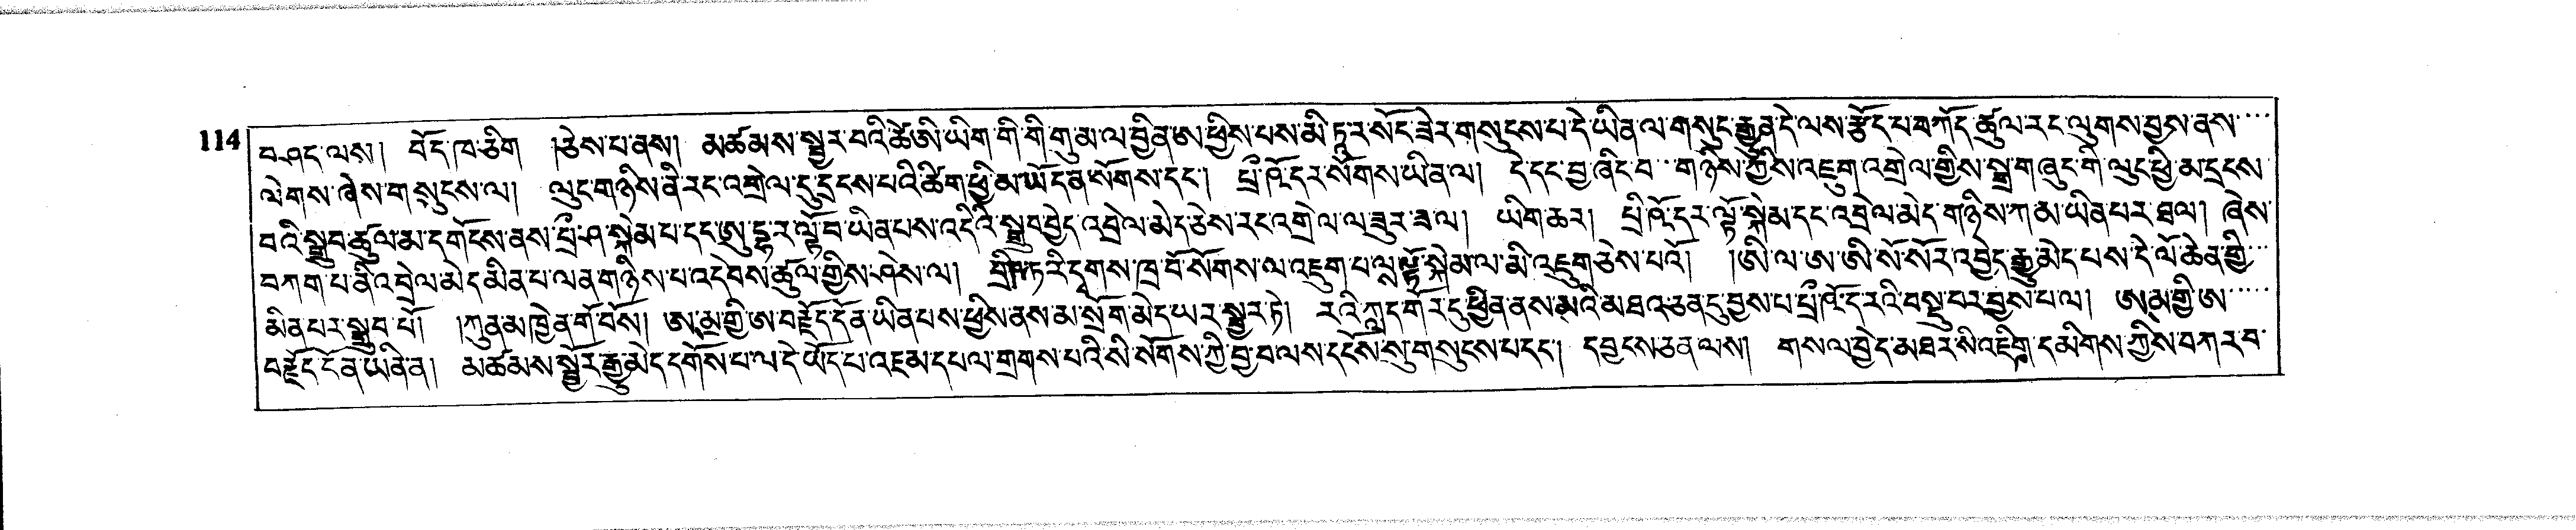བཤད་ལས། བོད་ཁ་ཅིག །ཅེས་པ་ནས། མཚམས་སྦྱར་བའི་ཚེ་ཨི་ཡིག་གི་གི་གུ་མ་ལ་བྱིན་ཨ་ཕྱིས་པས་མི་ཏཱ་ར་སོང་ཟེར་གསུངས་པ་དེ་ཡིན་ལ་གསུང་རྒྱུན་དེ་ལས་རྩོད་པ་བཀོད་ཚུལ་རང་ལུགས་བྱས་ནས་
ལེགས་ཞེས་གསུངས་ལ། ལུང་གཉིས་ནི་རང་འགྲེལ་དུ་དྲངས་པའི་ཚིག་ཕྱི་མ་ཡོད་ན་སོགས་དང་། པྲྀ་ཥོ་དར་སོགས་ཡིན་ལ། དེ་དང་བྱ་ཞིང་བ་གཉིས་ཀྱིས་འཇུག་འགྲེལ་གྱིས་སྒྲ་གཞུང་གི་ལུང་ཕྱི་མ་དྲངས་
བའི་སྒྲུབ་ཚུལ་མ་དགོངས་ནས་པྲྀ་ཤ་སྐེམ་པ་དང་ཨུ་དྷ་ར་ལྟོ་བ་ཡིན་པས་འདིའི་སྒྲུབ་བྱེད་འབྲེལ་མེད་ཅེས་རང་འགྲེལ་ལ་ཟུར་ཟ་ལ། ཡིག་ཆར། པྲི་ཥོ་དར་ལྟོ་སྐེམ་དང་འབྲེལ་མེད་གཉིས་ཀ་མ་ཡིན་པར་ཐལ། ཞེས་
བཀག་པ་ནི་འབྲེལ་མེད་མིན་པ་ལན་གཉིས་པ་འདེབས་ཚུལ་གྱིས་ཤེས་ལ། པྲི་ཥ་ཏ་རི་དྭགས་ཁྲ་བོ་སོགས་ལ་འཇུག་པ་ལས་ལྟོ་སྐེམ་ལ་མི་འཇུག་ཅེས་པའོ། །ཨི་ལ་ཨ་ཨི་སོ་སོར་འབྱེད་རྒྱུ་མེད་པས་དེ་ལོ་ཆེན་གྱི་
མིན་པར་སྒྲུབ་པོ། །ཀུན་མཁྱེན་གོ་བོས། ཨ་མ་གྱི་ཨ་བརྗོད་དོན་ཡིན་པས་ཕྱིས་ནས་མ་སྲོག་མེད་ཡར་སྦྱར་ཏེ། རའི་ཀླད་གོར་དུ་ཕྱིན་ནས་མའི་མཐའ་ཅན་དུ་བྱས་པ་པྲྀ་ཥོ་ད་རའི་བསྡུ་པར་བྱས་པ་ལ། ཨ་མ་གྱི་ཨ་
བརྗོད་དོན་ཡིན་ན། མཚམས་སྦྱོར་རྒྱུ་མེད་དགོས་པ་ལ་དེ་ཡོད་པ་འཇམ་དཔལ་གྲགས་པའི་སི་སོགས་ཀྱི་བྱ་བ་ལས་དངོས་སུ་གསུངས་པ་དང་། དབྱངས་ཅན་ལས། གསལ་བྱེད་མཐར་སི་འཇིག་དམིགས་ཀྱིས་བཀར་བ་